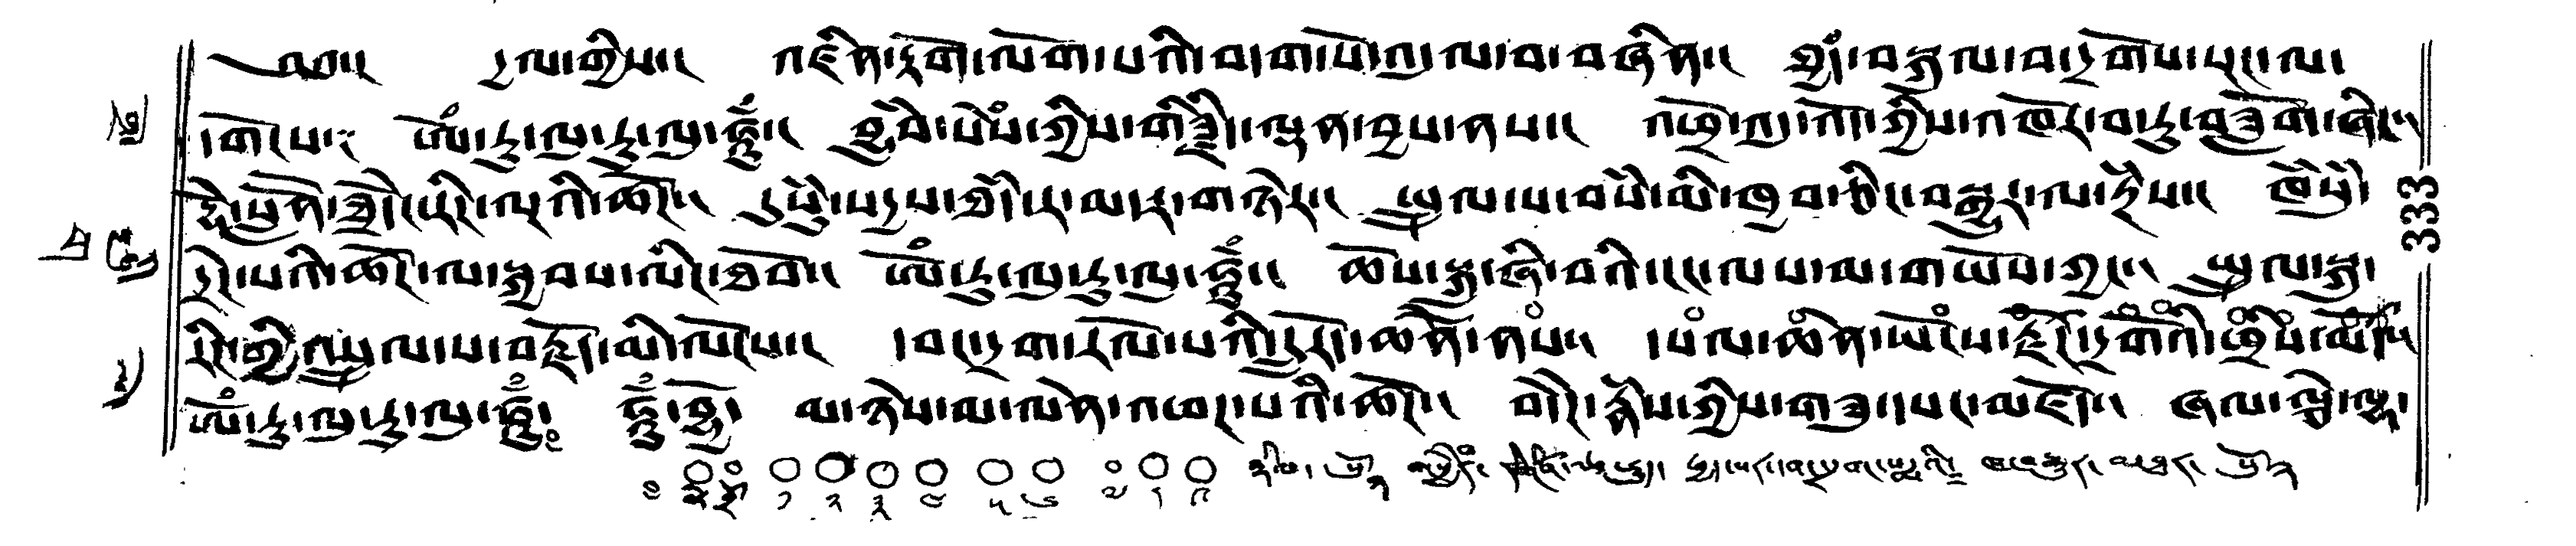རྒྱལ་གྱིས། །འཛིན་རྟོག་ལོག་པའི་བདག་པོ་འདུལ་བ་བཞིན། །ཐུགས་དམ་བསྐུལ་བས་དྲག་པོ་སྔགས་ལ་
དགོངས།ཨོཾ་རུ་ལུ་རུ་ལུ་ཧཱུྂ། བྱང་ཆུབ་སེམས་ཀྱིས་གཟི་བརྗིད་ལྡན་བྱས་ནས། །འཕྲོ་འདུ་འོད་ཀྱིས་འཁོར་བ་རུ་བཟློག་ཞིང་། །
རྡོ་རྗེ་སློབ་དཔོན་ཐོད་ཕྲེང་རིགས་ལྔའི་ཚོགས། །དུས་གསུམ་སངས་རྒྱས་ཐམས་ཅད་ར་མདར་གཉེར། །སྤྲུལ་པ་བསམ་མི་ཁྱབ་ཅིང་བསྒྱུར་ལ་རྔམས། ཁམས་གསུམ་
དྲེགས་པའི་ཚོགས་ལ་སྐྱབས་ལིང་ཐོབ། ཨོཾ་རུ་ལུ་རུ་ལུ་ཧཱུྃ། ཆོས་སྐུ་ཞི་བའི་ངང་ལས་མ་གཡོས་ཀྱང་། །སྤྲུལ་སྐུ་
རིགས་ཀྱི་སྤྲུལ་པ་བརྗོད་མི་ལངས། །དབང་དྲག་རོལ་པའི་དུར་ཁྲོད་ཆེན་པོ་ནས། །དཔལ་ཆེན་ཡོངས་རྫོགས་དྲག་པོའི་ཕྲིན་ལས་མཛོད། 
ཨོཾ་རུ་ལུ་རུ་ལུ་ཧཱུྃ། ཧཱུྃ་བྷྱོ། མ་ཉེས་མ་ལེན་འཕགས་པའི་ཚོགས། །བདེ་གཤེགས་རྣམས་ཀྱིས་གཟུ་དཔང་མཛོད། །ཞལ་ལྕེ་ལྷ་